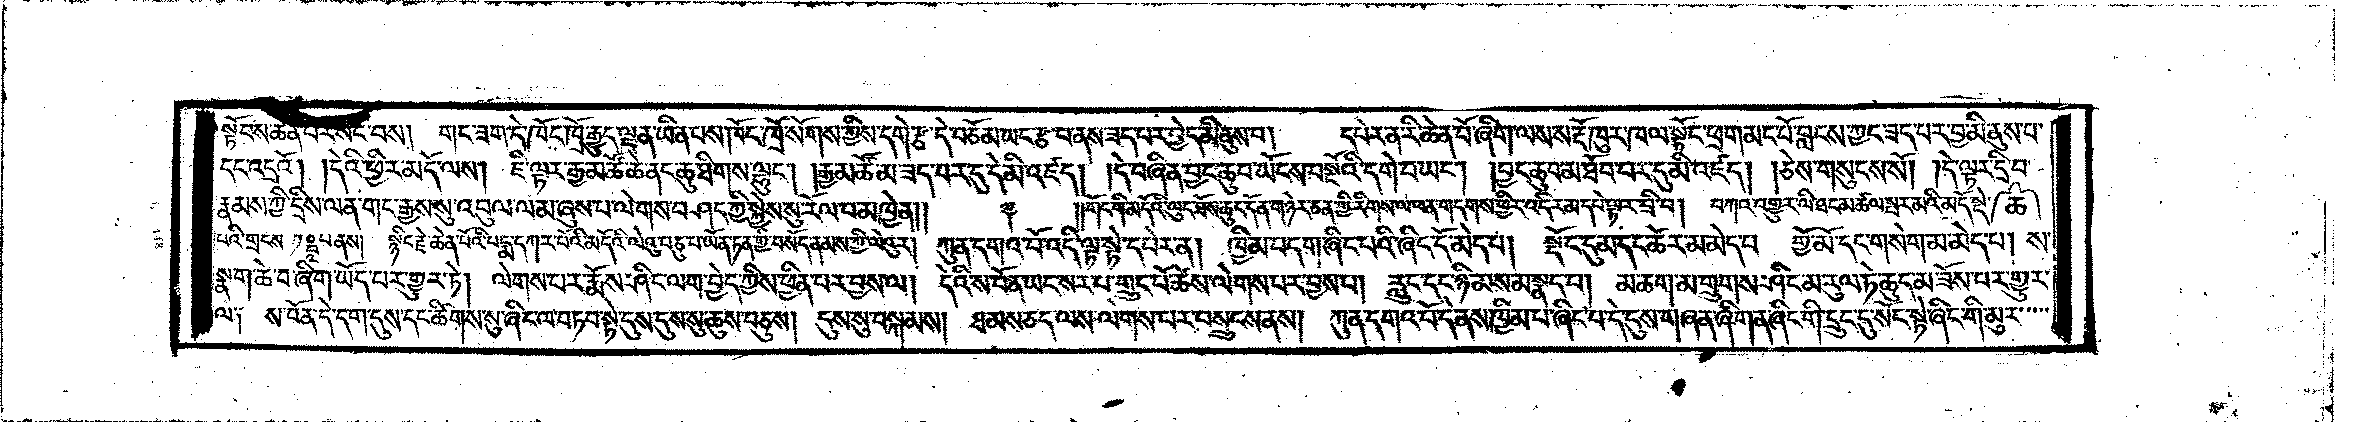སྟོབས་ཆེན་པོར་སོང་བས། གང་ཟག་དེ་ཁོང་ཁྲོ་རྒྱུད་ལྡན་ཡིན་པས་ཁོང་ཁྲོ་སོགས་ཀྱིས་དགེ་རྩ་དེ་བཅོམ་ཡང་རྩ་བ་ནས་ཟད་པར་བྱེད་མི་ནུས་པ། དཔེར་ན་རི་ཆེན་པོ་ཞིག་ལས་ས་རྡོ་ཁུར་ཁལ་སྟོང་ཕྲག་མང་པོ་བླངས་ཀྱང་ཟད་པར་བྱ་མི་ནུས་པ་
དང་འདྲའོ། །དེའི་ཕྱིར་མདོ་ལས། ཇི་ལྟར་རྒྱ་མཚོ་ཆེ་ནང་ཆུ་ཐིགས་ལྷུང་། །རྒྱ་མཚོ་མ་ཟད་བར་དུ་དེ་མི་འཛད། །དེ་བཞིན་བྱང་ཆུབ་ཡོངས་བསྔོའི་དགེ་བ་ཡང་། །བྱང་ཆུབ་མ་ཐོབ་པར་དུ་མི་འཛད། །ཅེས་གསུངས་སོ། །དེ་ལྟར་དྲི་བ་
རྣམས་ཀྱི་དྲིས་ལན་གང་རྒྱས་སུ་འབུལ་ལམ་ཞུས་པ་ལེགས་བཤད་ཀྱི་སྐྱེས་སུ་རོལ་བ་མཁྱེན།། ༈ །།གོང་གི་མདོའི་ལུང་ཐོས་ཆུང་དོན་གཉེར་ཅན་གྱི་རིགས་ལ་ཕན་གདམས་ཕྱིར་འདིར་མ་དཔེ་ལྟར་བྲི་བ། བཀའ་འགྱུར་ལི་ཐང་མ་ཚལ་སྤར་མའི་མདོ་སྡེ ༼ཆ༽
པའི་གྲངས ༡༠༥བ༢་ནས། སྙིང་རྗེ་ཆེན་པོའི་པདམ་དཀར་པོའི་མདོའི་ལེའུ་བཅུ་པ་ཡོན་ཏན་གྱི་བསོད་ནམས་ཀྱི་ལེའུར། ཀུན་དགའ་བོ་འདི་ལྟ་སྟེ་དཔེར་ན། ཁྱིམ་བདག་ཞིང་པའི་ཞིང་དོ་མེད་པ། སྡོང་དུ་མ་དང་ཚེར་མ་མེད་པ་གྱོ་མོ་དང་གསེག་མ་མེད་པ། ས་
སྣག་ཆེ་བ་ཞིག་ཡོད་པར་གྱུར་ཏེ། ལེགས་པར་རྨོས་ཤིང་ལག་བྱེད་ཀྱིས་ཕྱིན་པར་བྱས་ལ། དེའི་ས་བོན་ཡང་སར་པ་གྲུང་པོ་ཚེས་ལེགས་པར་བྱས་པ། རླུང་དང་ཉི་མས་མ་སྣང་བ། མ་ཆག་མ་གྲུགས་ཤིང་མ་རུལ་ཏེ་ཆུད་མ་ཟོས་པར་གྱུར་
ལ༑ ས་བོན་དེ་དག་དུས་དང་ཚིགས་སུ་ཞིང་ལ་བཏབ་སྟེ་དུས་དུས་སུ་ཆུས་བཅུས། དུས་སུ་བསྐམས། ཐམས་ཅད་ལས་ལེགས་པར་བསྲུངས་ནས། ཀུན་དགའ་པོ་དེ་ནས་ཁྱིམ་པ་ཞིང་པ་དེ་དུས་གཞན་ཞིག་ན་ཞིང་གི་དྲུང་དུ་སོང་སྟེ་ཞིང་གི་མུར་